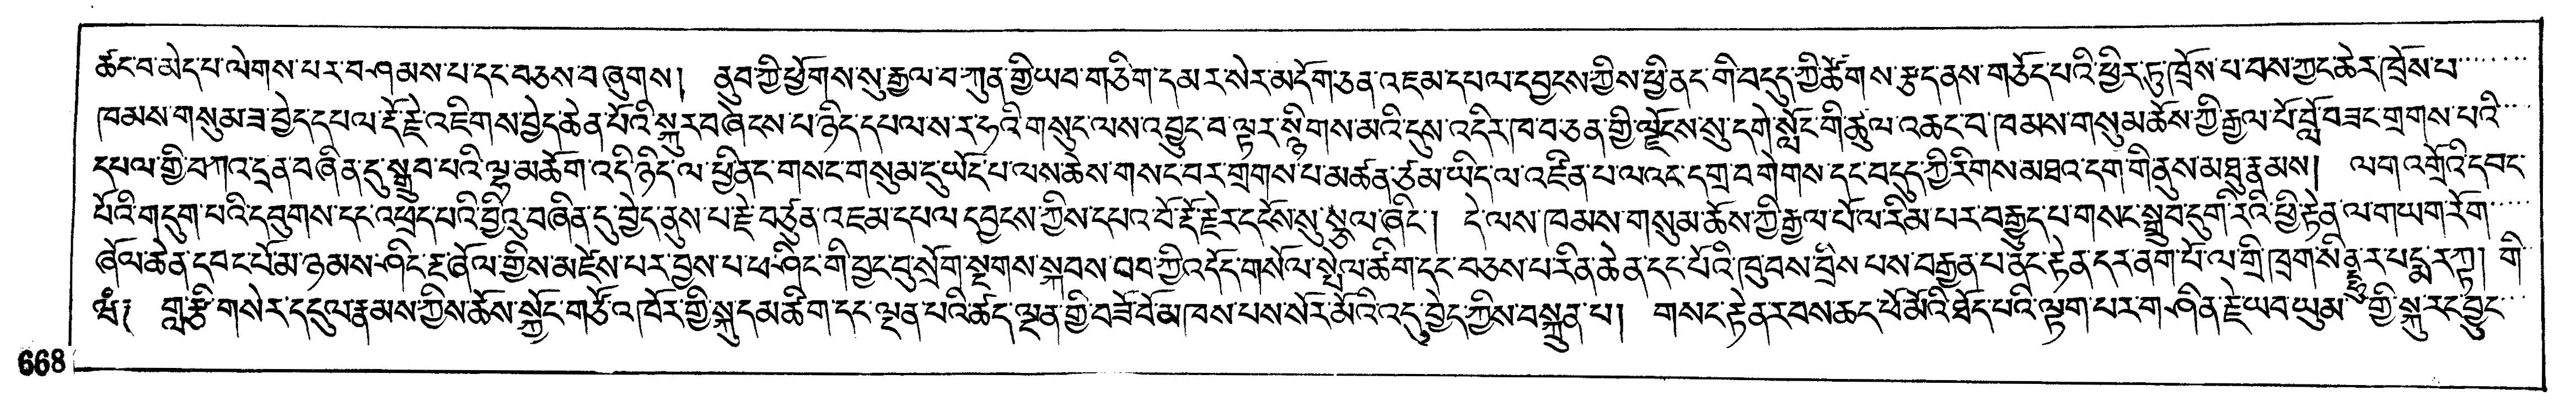ཚང་བ་མེད་པ་ལེགས་པར་བཤམས་པ་དང་བཅས་བཞུགས། ནུབ་ཀྱི་ཕྱོགས་སུ་རྒྱལ་བ་ཀུན་གྱི་ཡབ་གཅིག་དམར་སེར་མདོག་ཅན་འཇམ་དཔལ་དབྱངས་ཀྱིས་ཕྱི་ནང་གི་བདུད་རྩི་ཚོགས་རྩད་ནས་གཅོད་པའི་ཕྱིར་ཏུ་ཁྲོས་པ་བས་ཀྱང་ཆེར་ཁྲོས་པ་
ཁམས་གསུམ་ཟ་བྱེད་དཔལ་རྡོ་རྗེ་འཇིགས་བྱེད་ཆེན་པོའི་སྐུར་བཞེངས་པ་ཉིད་དཔལ་ས་ར་ཧའི་གསུང་ལས་འབྱུང་བ་ལྟར་སྙིགས་མའི་དུས་འདིར་ཁ་བ་ཅན་གྱི་ལྗོངས་སུ་དགེ་སློང་གི་ཚུལ་འཆང་བ་ཁམས་གསུམ་ཆོས་ཀྱི་རྒྱལ་པོ་བློ་བཟང་གྲགས་པའི་
དཔལ་གྱི་བཀའ་དྲན་བཞིན་དུ་སྒྲུབ་པའི་ལྷ་མཆོག་འདི་ཉིད་ལ་ཕྱི་ནང་གསང་གསུམ་དུ་ཡོད་པ་ལས་ཆེས་གསང་བར་གྲགས་པ་མཚན་ཙམ་ཡིད་ལ་འཛིན་པ་ལའང་དགྲ་བགེགས་དང་བདུད་ཀྱི་རིགས་མཐའ་དག་གི་ནུས་མཐུ་རྣམས། ལག་འགྲོའི་དབང་
པོའི་གདུག་པའི་དབུགས་དང་འཕྲད་པའི་བྱིའུ་བཞིན་དུ་བྱེད་ནུས་པ་རྗེ་བཙུན་འཇམ་དཔལ་དབྱངས་ཀྱིས་དཔའ་བོ་རྡོ་རྗེར་དངོས་སུ་སྩལ་ཞིང་། དེ་ལས་ཁམས་གསུམ་ཆོས་ཀྱི་རྒྱལ་པོ་ལ་རིམ་པར་བརྒྱུད་པ་གསང་སྒྲུབ་དུག་རིའི་ཕྱི་རྟེན་ལ་གཡག་རོག་
ཞོལ་ཆེན་དབང་པོ་མ་ཉམས་ཤིང་རྔ་ཞོལ་གྱིས་མཛེས་པར་བྱས་པ་ཕ་ཤིང་གི་བྱང་བུ་སྲོག་སྔགས་སྐབས་བབ་ཀྱི་འདོད་གསོལ་སྤེལ་ཚིག་དང་བཅས་པ་རིན་ཆེན་དང་པོའི་ཁུ་བས་བྲིས་པས་བརྒྱན་པ་ནང་རྟེན་དར་ནག་པོ་ལ་གྲི་ཁྲག་སིནྡྷུ་ར་པདམ་རཀྟ། གི་
ཝཾ། གླ་རྩི་གསེར་དངུལ་རྣམས་ཀྱིས་ཆོས་སྐྱོང་གཙོ་འཁོར་གྱི་སྐུ་དམ་ཚིག་དང་ལྡན་པའི་ཚང་ལྡན་གྱི་བཟོ་བོ་མཁས་པས་སོར་མོའི་འདུ་བྱེད་ཀྱིས་བསྐྲུན་པ། གསང་རྟེན་རབས་ཆད་ཕོ་མོའི་ཐོང་པའི་ལྟག་པར་གཤིན་རྗེ་ཡབ་ཡུམ་གྱི་སྐུ་རང་བྱུང་